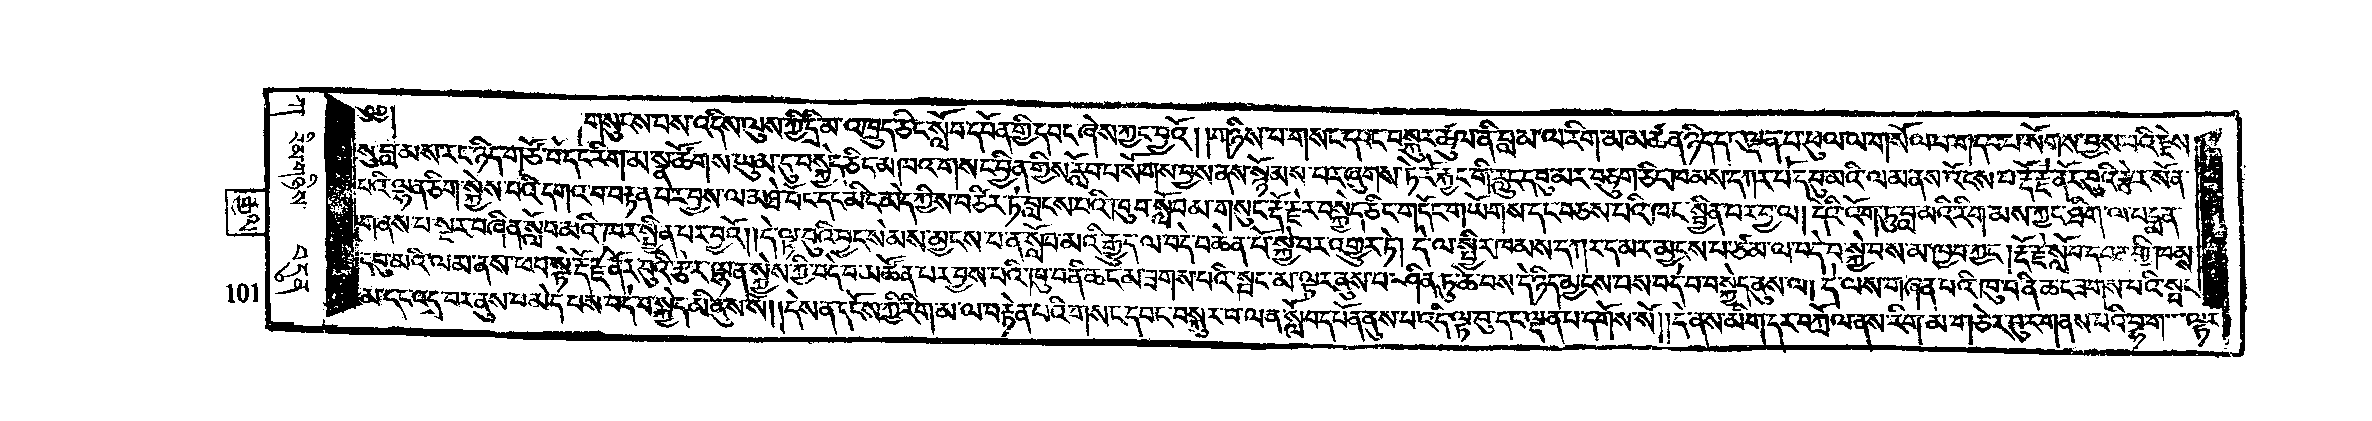༄༅། །གསུངས་པས་འདིས་ལུས་ཀྱི་དྲི་མ་འཁྲུད་ཅིང་སློབ་དཔོན་གྱི་དབང་ཞེས་ཀྱང་བྱའོ། །གཉིས་པ་གསང་དབང་བསྐུར་ཚུལ་ནི་བླ་མ་ལ་རིག་མ་མཚན་ཉིད་དང་ལྡན་པ་ཕུལ་ལ་གསོལ་བ་གདབ་པ་སོགས་བྱས་པའི་རྗེས་
སུ་བླ་མས་རང་ཉིད་གཙོ་བོ་དང་རིག་མ་སྣ་ཚོགས་ཡུམ་དུ་བསྐྱེད་ཅིང་མཁའ་གསང་བྱིན་གྱིས་རློབ་པ་སོགས་བྱས་ནས་སྙོམས་པར་ཞུགས་ཏེ་རོ་རྐྱང་གི་རླུང་དབུ་མར་བཅུག་ཅིང་ཁམས་དཀར་པོ་དབུ་མའི་ལམ་ནས་འོངས་པ་རྡོ་རྗེ་ནོར་བུའི་རྩེར་སོན་
པའི་ལྷན་ཅིག་སྐྱེས་པའི་དགའ་བ་བརྟན་པར་བྱས་ལ་མཐེ་བོང་དང་མིང་མེད་ཀྱིས་བཙིར་ཏེ་བླངས་པའི་ཁུ་བ་སློབ་མ་གསུང་རྡོ་རྗེར་བསྐྱེད་ཅིང་གདོང་གཡོགས་དང་བཅས་པའི་ཁང་སྦྱིན་པར་བྱ་ལ། དེའི་འོག་ཏུ་བླ་མའི་རིག་མས་ཀྱང་ཐིག་ལ་པདམན་
གནས་པ་སྔར་བཞིན་སློབ་མའི་ཁར་སྦྱིན་པར་བྱའོ། །དེ་ལྟ་བུའི་བྱང་སེམས་མྱངས་པ་ན་སློབ་མའི་རྒྱུད་ལ་བདེ་བ་ཆེན་པོ་སྐྱེ་བར་འགྱུར་ཏེ། དེ་ལ་སྤྱིར་ཁམས་དཀར་དམར་མྱངས་པ་ཙམ་ལ་བདེ་བ་སྐྱེ་བས་མ་ཁྱབ་ཀྱང་། རྡོ་རྗེ་སློབ་དཔོན་གྱི་ཁམས་
དབུ་མའི་ལམ་ནས་ཕབ་སྟེ་རྡོ་རྗེ་ནོར་བུའི་རྩེར་ལྷན་སྐྱེས་ཀྱི་བདེ་བ་མཚོན་པར་བྱས་པའི་ཁུ་བ་ནི་ཚང་མ་ཟགས་པའི་སྤང་མ་ལྟར་ནུས་པ་ཤིན་ཏུ་ཆེ་བས་དེ་ཉིད་མྱངས་པས་བདེ་བ་བསྐྱེད་ནུས་ལ། དེ་ལས་གཞན་པའི་ཁུ་བ་ནི་ཆང་ཟགས་པའི་སྦང་
མ་དང་འདྲ་བར་ནུས་པ་མེད་པས་བདེ་བ་སྐྱེད་མི་ནུས་སོ། །དེས་ན་དངོས་ཀྱི་རིག་མ་ལ་བརྟེན་པའི་གསང་དབང་བསྐུར་བ་ལན་སློབ་དཔོན་ནུས་པ་འདི་ལྟ་བུ་དང་ལྡན་པ་དགོས་སོ། །དེ་ནས་མིག་དར་བཀྲོལ་ནས་རིག་མ་གཅེར་བུར་གནས་པའི་བྷ་ག་ལྟར་